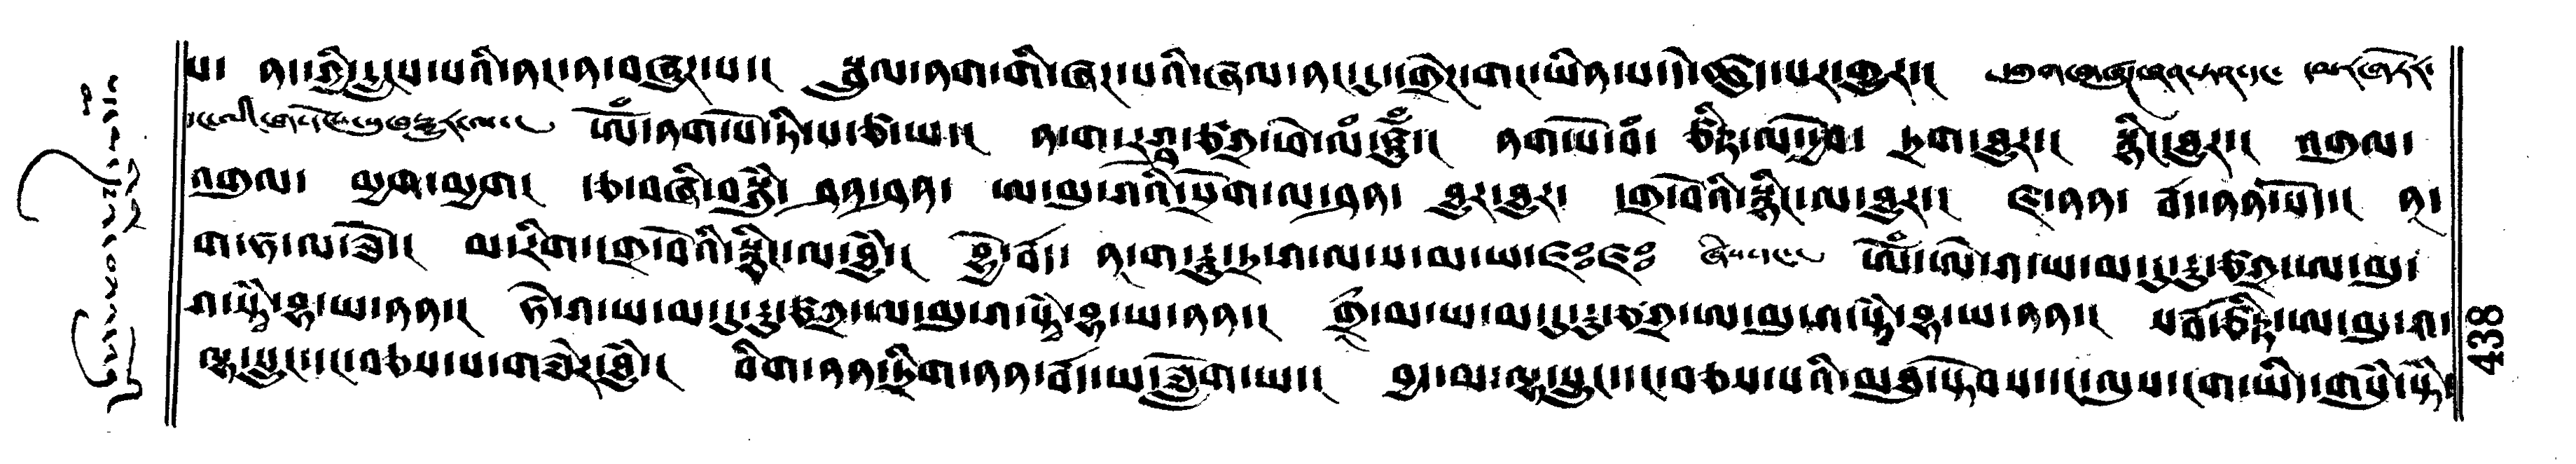པ། ནད་ཀྱི་རླངས་པའི་ནང་ན་བཞུགས་པ། སྦྲུལ་ནག་གི་ཞགས་པའི་ཞལ་ནང་དུ་དགྲ་བགེགས་གང་ཡིན་པ་དེ་ཚུད་པར་གྱུར། དགུག་གཞུག་ནན་ཏན་དང་། དམར་གཏོར་
དང་ལིང་ག་དངོས་སུ་བསྒྱུར་ལ། ཨོཾ་ནག་པོ་ཏི་པ་ཙ་ཡ། ན་ག་རཀྵ་ཙཀྲ་ཕེ་ལཾ་ཧཱུྃ། ནག་པོ་བཾ། ཙིཏྟ་ལ་རྒྱོབས། ཏྲག་ཐུར། སྙིང་ཐུར། འགུལ་
འགུལ། མྱག་མྱག རྩ་བཞི་སྐུམས། ཤན་ཤན། ཨ་མུ་ཀའི་སྲོག་ལ་ཤན། ཐུར་ཐུར། དགྲ་བོའི་སྙིང་ལ་ཐུར། ཛ་ནན། རྦད་ནན་སོད། ནཱ་
ག་ཧ་ལ་ཟོ། མ་རིག་དགྲ་བོའི་སྙིང་ལ་ཐུམ། བྷྱོ་རྦད། ནཱ་ག་རུ་ཏྲ་ཀ་ལ་ས་མ་ཡ་ཛཿཛཿ ཞེས་པ་དང་། ཨོཾ་ཨེ་ཀ་ཡ་མ་དུ་རུ་ཙཀྲ་ཨ་མུ་
ཀ་སྟྭཾ་བྷ་ཡ་ནན། ཧེ་ཀ་ཡ་མ་དུ་རུ་ཙཀྲ་ཨ་མུ་ཀ་སྟྭཾ་བྷ་ཡ་ནན། གྲཱྀ་མ་ཡ་མ་དུ་རུ་ཙཀྲ་ཨ་མུ་ཀ་སྟྭཾ་བྷ་ཡ་ནན། སརྦ་ཙིཏྟ་ཨ་མུ་ཀ་
ལྷ་སྲུང་དང་བཅས་པ་གཟེར་ཐུམ། བིག་ནན་ཏྲིག་ནན་རྦད་ཡ་ཟློག་ཡ། བྱད་མ་ལྷ་སྲུང་དང་བཅས་པའི་མཐུ་སྟོབས་དང་ལུས་ངག་ཡིད་གསུམ་སྟྭཾ་